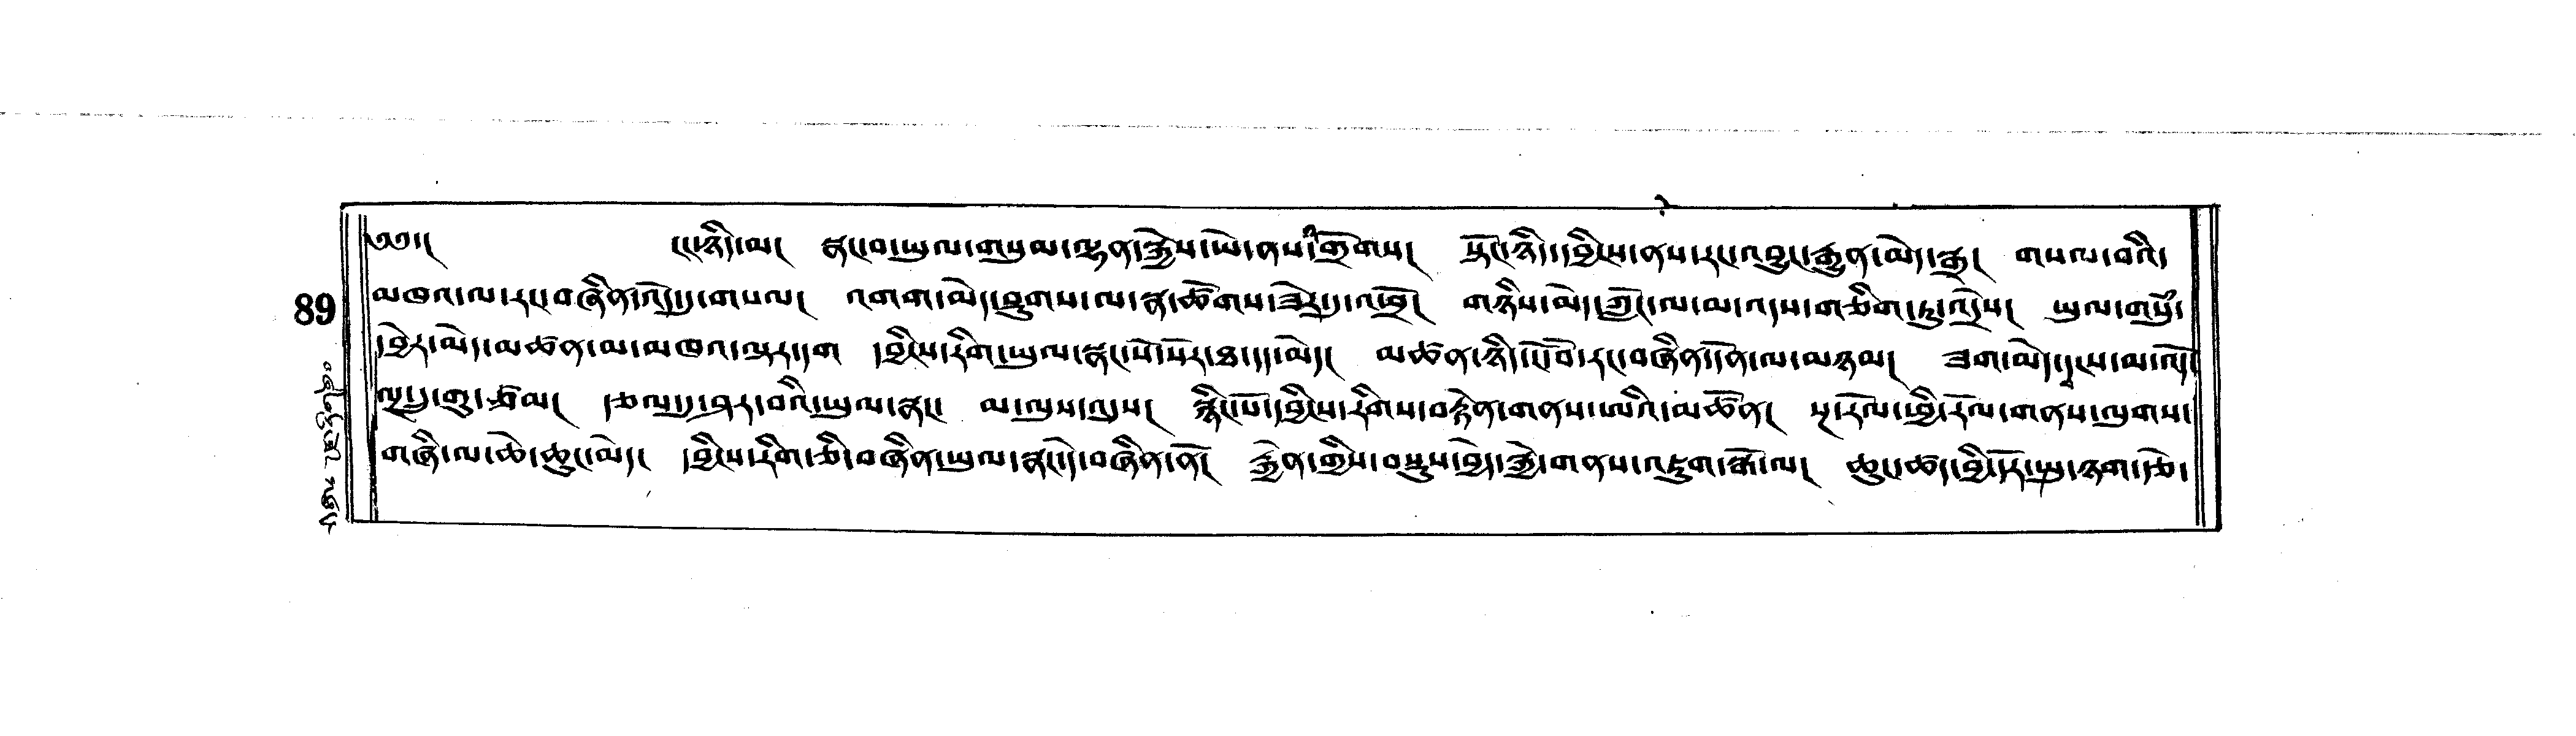ངང་ཉིད་ལ། སྣང་བ་ཡུལ་གསུམ་ལྷན་སྐྱེས་ཡེ་ནས་འགྲོགས། སྟོང་ཉིད་དབྱིངས་ནས་རང་འབྱུང་རྒྱུན་མེད་སྒྲ། གསལ་བའི་
མཁའ་ལ་རང་བཞིན་འོད་དུ་གསལ། འགག་མེད་ཤུགས་ལ་སྣ་ཚོགས་ཟེར་དུ་འཕྲོ། གཉིས་མེད་ཀློང་ལ་མ་འདས་གཅིག་ཏུ་འདྲེས། ཡུལ་གསུམ་
དབྱེར་མེད་མཚན་མ་མཁའ་ལྟར་དག དབྱིངས་རིག་ཡུལ་སྣང་སོ་སོར་ཐ་དད་མེད། མཚན་ཉིད་ངོ་བོ་རང་བཞིན་དོན་ལ་མཉམ། ཟག་མེད་དང་མ་འོད་
ལྔ་དྲུ་གུ་ཙམ། རྩལ་དུ་ཤར་བའི་ཡུལ་སྣང་མ་ལུས་འདུས། སྙིང་པོ་དབྱིངས་རིགས་རྟེན་གནས་ཨ་ཡིས་མཚོན། སྔ་རོལ་ཕྱི་རོལ་གནས་ལུགས་
གཞི་ལ་ཆེ་ཆུང་མེད། དབྱིངས་རིག་ཅི་བཞིན་ཡུལ་སྣང་དེ་བཞིན་ནོ། རྐྱེན་གྱིས་བསྡུས་བྱེད་སྐྱེ་གནས་འཇུག་སྒོ་ལ། ཁྱུང་ཚད་བྱི་དོར་སྤུ་ཉག་རྩེ་